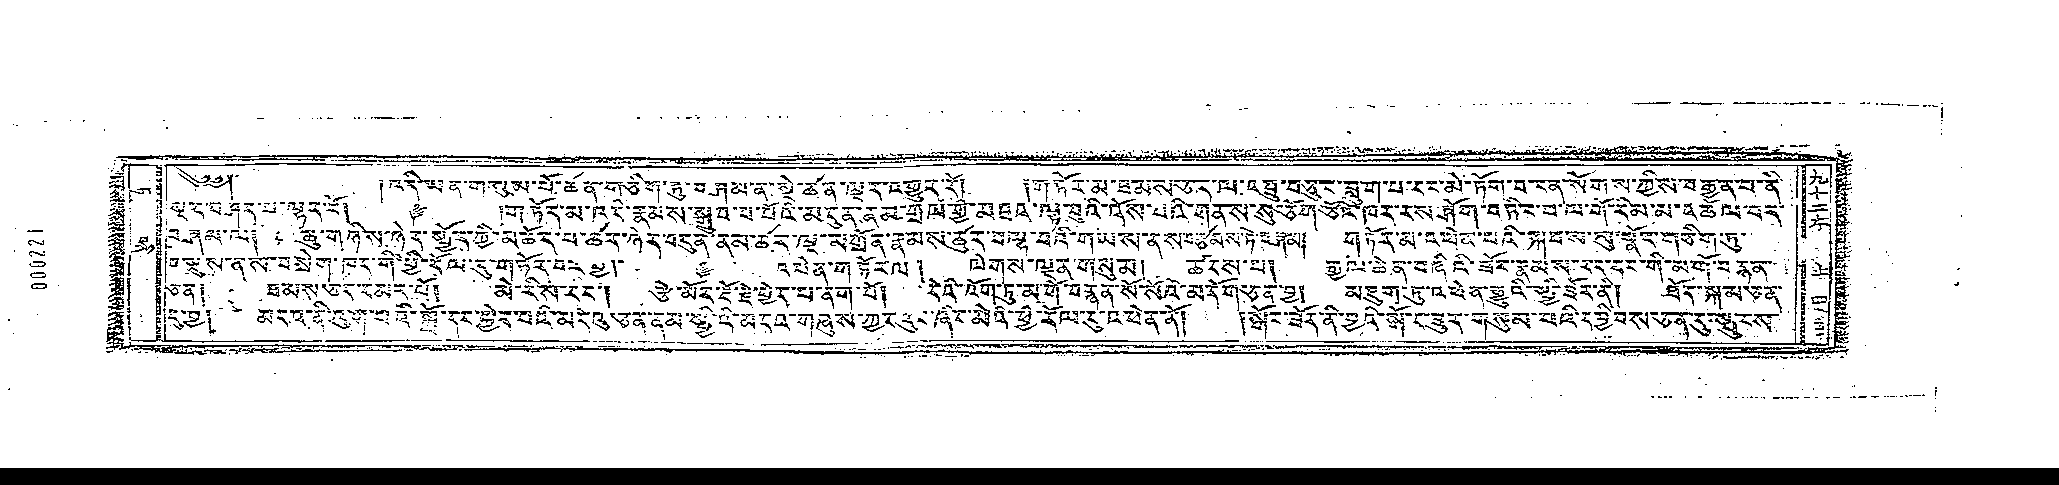༄༅། །འདི་ཡན་གསུམ་པོ་ཚན་གཅིག་ཏུ་བཤམ་ན་སྡེ་ཚན་ལྔར་འགྱུར་རོ། །གཏོར་མ་ཐམས་ཅད་ལ་འབྲུ་བཅུད་བླུག་པ་དང་མེ་ཏོག་བ་དན་སོགས་ཀྱིས་བརྒྱན་པ་ནི་
སྔར་བཤད་པ་ལྟར་རོ། ༈ །གཏོར་མ་འདི་རྣམས་སྒྲུབ་པ་པོའི་མདུན་ནམ་གྲལ་གྱི་མཐའ་ལྟ་བུའི་འོས་པའི་གནས་སུ་ཅོག་ཅེའི་ཁར་རས་ཤོག་བཏིང་བ་ལ་གོ་རིམ་མ་འཆོལ་བར་
བཤམ་ལ། ཆུ་གཉིས་ཉེར་སྤྱོད་ཀྱི་མཆོད་པ་ཚར་ཉེར་བདུན་ནམ་ཚར་ལྔ་མགྲོན་རྣམས་ཚུར་བལྟ་བའི་གཡས་ནས་བརྩམས་ཏེ་བཤམ། །གཏོར་མ་འཕེན་པའི་སྐབས་སུ་སྣོད་གཅིག་ཏུ་
བསྡུས་ནས་བསྲེག་ཁང་གི་ཕྱི་རོལ་དུ་གཏོར་བར་བྱ། ༈ འཕེན་གཏོར་ལ། ལེགས་ལྡན་གསུམ། ཚངས་པ། རྒྱལ་ཆེན་བཞིའི་ཟོར་རྣམས་རང་རང་གི་མགོ་བརྙན་
ཅན། ཐམས་ཅད་དམར་པོ། མེ་རིས་དང་།རྩེ་མོར་རྡོ་རྗེ་ཕྱེད་པ་ནག་པོ། དེའི་འོག་ཏུ་མགོ་བརྙན་སོ་སོའི་མདོག་ཅན་བྱ། མཇུག་ཏུ་འཕེན་རྒྱུའི་སྦྱི་ཟོར་ནི། ཐོད་སྐམ་ཅན་
དུ་བྱ། མངའ་ནི་འུག་པའི་སྒྲོ་དང་སྐྱེར་པའི་མདེའུ་ཅན་ནམ་སྦྱིའི་མདའ་གཞུས་ཀྱང་རུང་ཞིད་མེའི་ཕྱི་རོལ་དུ་འཕེན་ནོ། །སྒོང་ཟོར་ནི་བྱའི་སྒོ་ང་ཟུར་གསུམ་པའི་དབྱིབས་ཅན་དུ་སྤུངས་